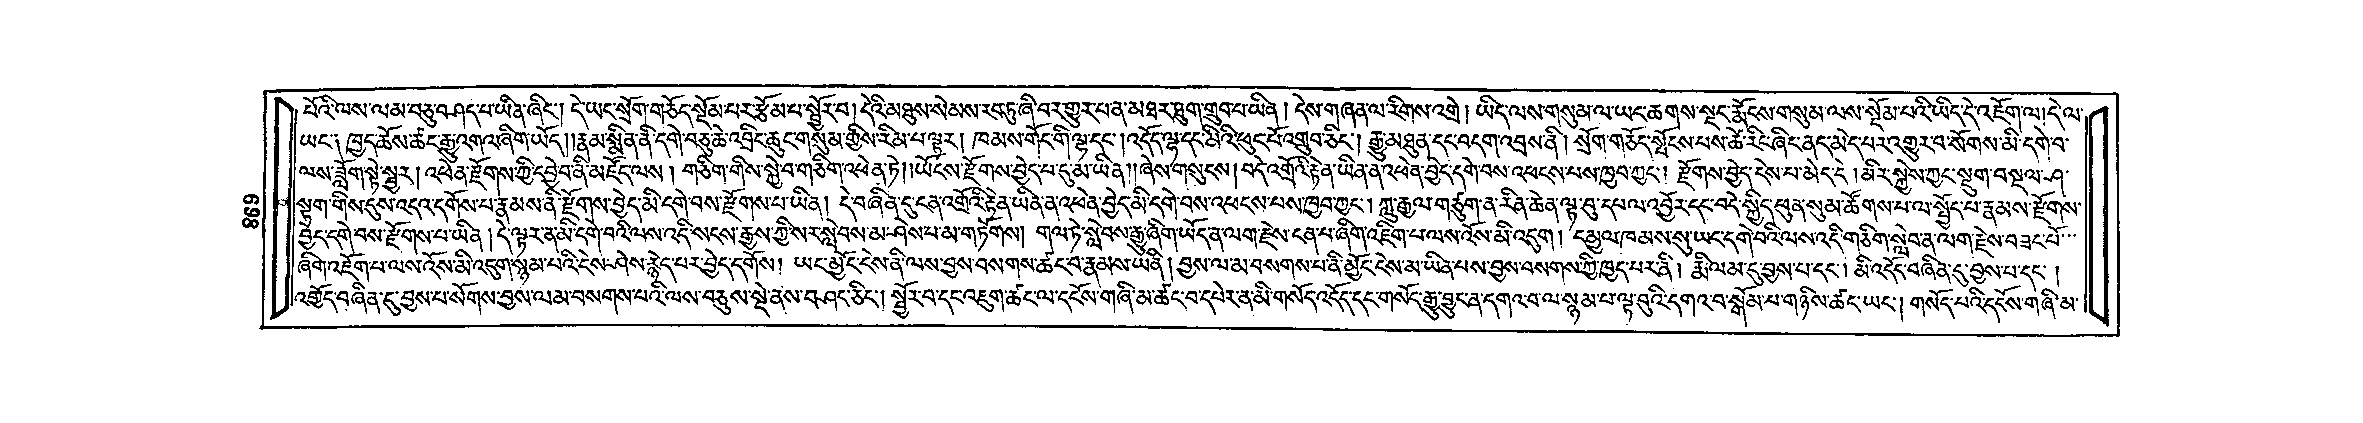པོའི་ལས་ལམ་བཅུ་བཤད་པ་ཡིན་ཞིང་། དེ་ཡང་སྲོག་གཅོད་སྡོམ་པར་རྩོམ་པ་སྦྱོར་བ། དེའི་མཐུས་སེམས་རབ་ཏུ་ཞི་བར་གྱུར་པ་ན་མཐར་ཐུག་གྲུབ་པ་ཡིན། དེས་གཞན་ལ་རིགས་འགྲེ་།ཡིད་ལས་གསུམ་ལ་ཡང་ཆགས་སྡང་རྨོངས་གསུམ་ལས་སྡོམ་པའི་ཡིད་དེ་འཇོག་ལ། དེ་ལ་
ཡང་། ཁྱད་ཆོས་ཚང་རྒྱུ་འགའ་ཞིག་ཡོད། །རྣམ་སྨིན་ནི་དགེ་བཅུ་ཆེ་འབྲིང་ཆུང་གསུམ་གྱིས་རིམ་པ་ལྟར། ཁམས་གོང་གི་ལྷ་དང་། འདོད་ལྷ་དང་མིའི་ཕུང་པོ་འགྲུབ་ཅིང་། རྒྱུ་མཐུན་དང་བདག་འབྲས་ནི། སྲོག་གཅོད་སྤོངས་པས་ཚེ་རིང་ཞིང་ནད་མེད་པར་འགྱུར་བ་སོགས་མི་དགེ་བ་
ལས་ཟློག་སྟེ་སྦྱར། འཕེན་རྫོགས་ཀྱི་དབྱེ་བ་ནི་མཛོད་ལས། གཅིག་གིས་སྐྱེ་བ་གཅིག་འཕེན་ཏེ། །ཡོངས་རྫོགས་བྱེད་པ་དུ་མ་ཡིན། །ཞེས་གསུངས། བདེ་འགྲོའི་རྟེན་ཡིན་ན་འཕེན་བྱེད་དགེ་བས་འཕངས་པས་ཁྱབ་ཀྱང་། རྫོགས་བྱེད་ངེས་པ་མེད་དེ། མིར་སྐྱེས་ཀྱང་སྡུག་བསྔལ་ཤ་
སྟག་གིས་དུས་འདའ་དགོས་པ་རྣམས་ནི་རྫོགས་བྱེད་མི་དགེ་བས་རྫོགས་པ་ཡིན། དེ་བཞིན་དུ་ངན་འགྲོའི་རྟེན་ཡིན་ན་འཕེན་བྱེད་མི་དགེ་བས་འཕངས་པས་ཁྱབ་ཀྱང་། ཀླུ་རྒྱལ་གཙུག་ན་རིན་ཡིན་ན་གསར་བསགས་ཀྱི་ལས་ཡིན་པས་མ་ཁྱབ་པ་སོགས་ཀྱི་འཛིན་ཨོད་པ་རྣམས་རྫོགས་
བྱེད་དགེ་བས་རྫོགས་པ་ཡིན། དེ་ལྟར་ན་མི་དགེ་བའི་ལས་འདི་སངས་རྒྱས་ཀྱི་སར་སླེབས་མ་ཤེས་པ་མ་གཏོགས། གལ་ཏེ་སླེབས་རྒྱུ་ཞིག་ཡོད་ན་ལག་རྗེས་ངན་པ་ཞིག་འཇིག་པ་ལས་འོས་མི་འདུག །དམྱལ་ཁམས་སུ་ཡང་དགེ་བའི་ལས་འདི་གཅིག་སླེབ་ན་ལག་རྗེས་བཟང་པོ་
ཞིག་འཇོག་པ་ལས་འོས་མི་འདུག་སྙམ་པའི་ངེས་ཤེས་རྙེད་པར་བྱེད་དགོས། ཡང་མྱོང་ངེས་ནི་ལས་བྱས་བསགས་ཚང་བ་རྣམས་ཡིན། བྱས་ལ་མ་བསགས་པ་ནི་མྱོང་ངེས་མ་ཡིན་པས་བྱས་བསགས་ཀྱི་ཁྱད་པར་ནི། རྨི་ལམ་དུ་བྱས་པ་དང་། མི་འདོད་བཞིན་དུ་བྱས་པ་དང་།
འགྱོད་བཞིན་དུ་བྱས་པ་སོགས་བྱས་ལམ་བསགས་པའི་ལས་བཅུས་སྡེ་ནས་བཤད་ཅིང་། སྦྱོར་བ་དང་འཇུག་ཚང་ལ་དངོས་གཞི་མ་ཚང་བ་དཔེར་ན་མི་གསོད་འདོད་དང་གསོད་རྒྱུ་བྱུང་ན་དགའ་བ་ལ་སྙམ་པ་ལྟ་བུའི་དགའ་བ་སྒོམ་པ་གཉིས་ཚང་ཡང་། གསོད་པའི་དངོས་གཞི་མ་